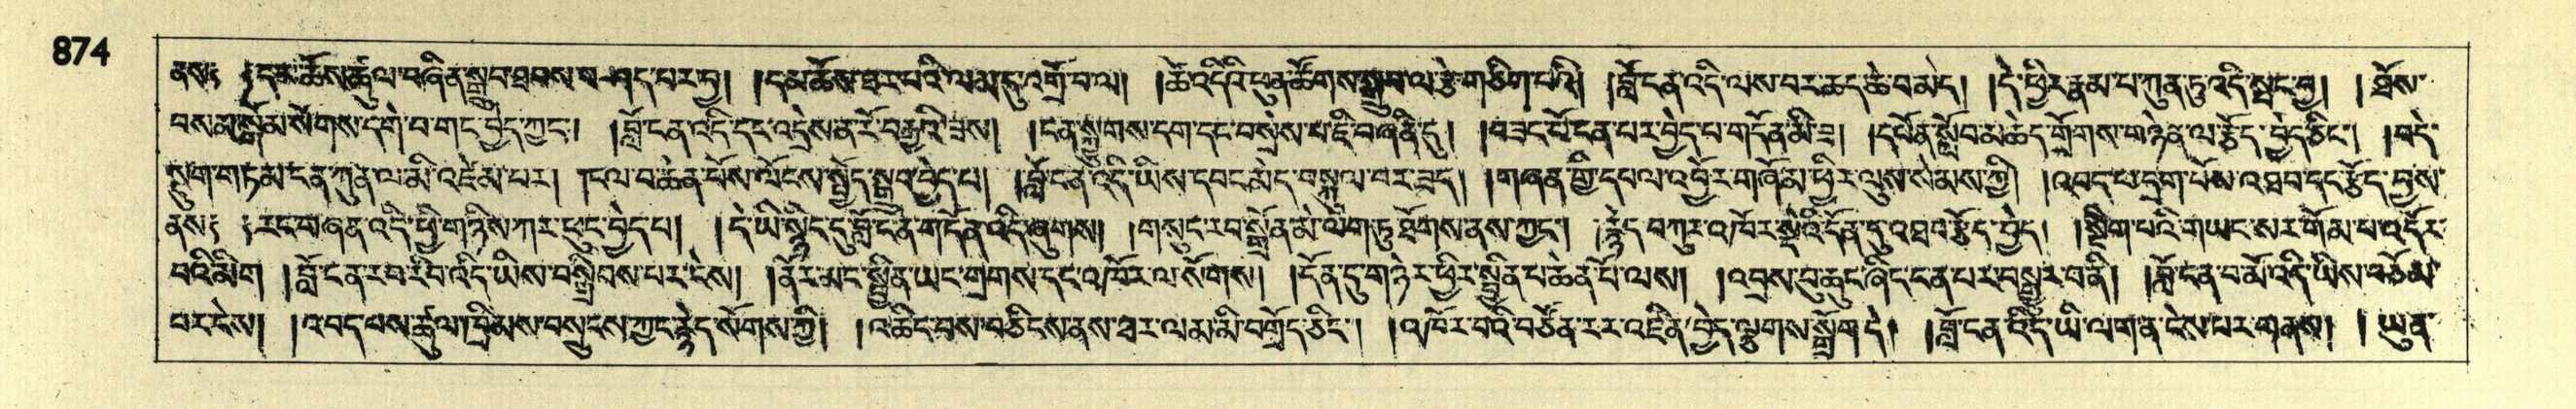ནས༑ ༑དམ་ཆོས་ཚུལ་བཞིན་སྒྲུབ་ཐབས་བཤད་པར་བྱ། །དམ་ཆོས་ཐར་པའི་ལམ་དུ་འགྲོ་བ་ལ། །ཚེ་འདིའི་ཕུན་ཚོགས་སྒྲུབ་ལ་རྩེ་གཅིག་པའི། །བློ་ངན་འདི་ལས་བར་ཆད་ཆེ་བ་མེད། །དེ་ཕྱིར་རྣམ་པ་ཀུན་ཏུ་འདི་སྤང་བྱ། །ཐོས་
བསམ་སྒོམ་སོགས་དགེ་བ་གང་བྱེད་ཀྱང་། །བློ་ངན་འདི་དང་འདྲེས་ན་རོ་བརྒྱའི་ཟས། །ངན་སྐྱུགས་དག་དང་བསྲེས་པ་ཇི་བཞིན་དུ། །བཟང་པོ་ངན་པར་བྱེད་པ་གདོན་མི་ཟ། །དཔོན་སློབ་མཆེད་གྲོགས་གཉེན་ལ་རྩོད་བྱེད་ཅིང་། །བདེ་
སྡུག་གཏམ་ངན་ཀུན་ལ་མི་འཛེམ་པར། །ངལ་བ་ཆེན་པོས་ལོངས་སྤྱོད་སྒྲུབ་བྱེད་པ། །བློ་ངན་འདི་ཡིས་དབང་མེད་བསྐུལ་བར་ཟད། །གཞན་གྱི་དཔལ་འབྱོར་གཞོམ་ཕྱིར་ལུས་སེམས་ཀྱི། །འབད་པ་དྲག་པོས་འཐབ་དང་རྩོད་བྱས་
ནས༑ ༑རང་གཞན་འདི་ཕྱི་གཉིས་ཀར་ཕུང་བྱེད་པ། །དེ་ཡི་སྙིང་དུ་བློ་ངན་གདོན་འདི་ཞུགས། །གསུང་རབ་སྒྲོན་མེ་ལག་ཏུ་ཐོགས་ནས་ཀྱང་། །རྙེད་བཀུར་འཁོར་སྡེའི་དོན་དུ་འཐབ་རྩོད་བྱེད། །སྡིག་པའི་གཡང་སར་གོམ་པ་འདོར་
བའི་མིག །བློ་ངན་རབ་རིབ་འདི་ཡིས་བསྒྲིབས་པར་ངེས། །ནོར་མང་སྦྱིན་ཡང་གྲགས་དང་འཁོར་ལ་སོགས། །དོན་དུ་གཉེར་ཕྱིར་སྦྱིན་པ་ཆེན་པོ་ལས། །འབྲས་བུ་ཆུང་ཞིང་ངན་པར་བསྒྱུར་བ་ནི། །བློ་ངན་བ་མོ་འདི་ཡིས་བཅོམ་
པར་ངེས། །འབད་བས་ཚུལ་ཁྲིམས་བསྲུངས་ཀྱང་རྙེད་སོགས་ཀྱི། །འཆིང་བས་བཅིངས་ནས་ཐར་ལམ་མི་བགྲོད་ཅིང་། །འཁོར་བའི་བཙོན་རར་འཛིན་བྱེད་ལྕགས་སྒྲོག་དེ། །བློ་ངན་འདི་ཡི་ལག་ན་ངེས་པར་གནས། །ཡུན་